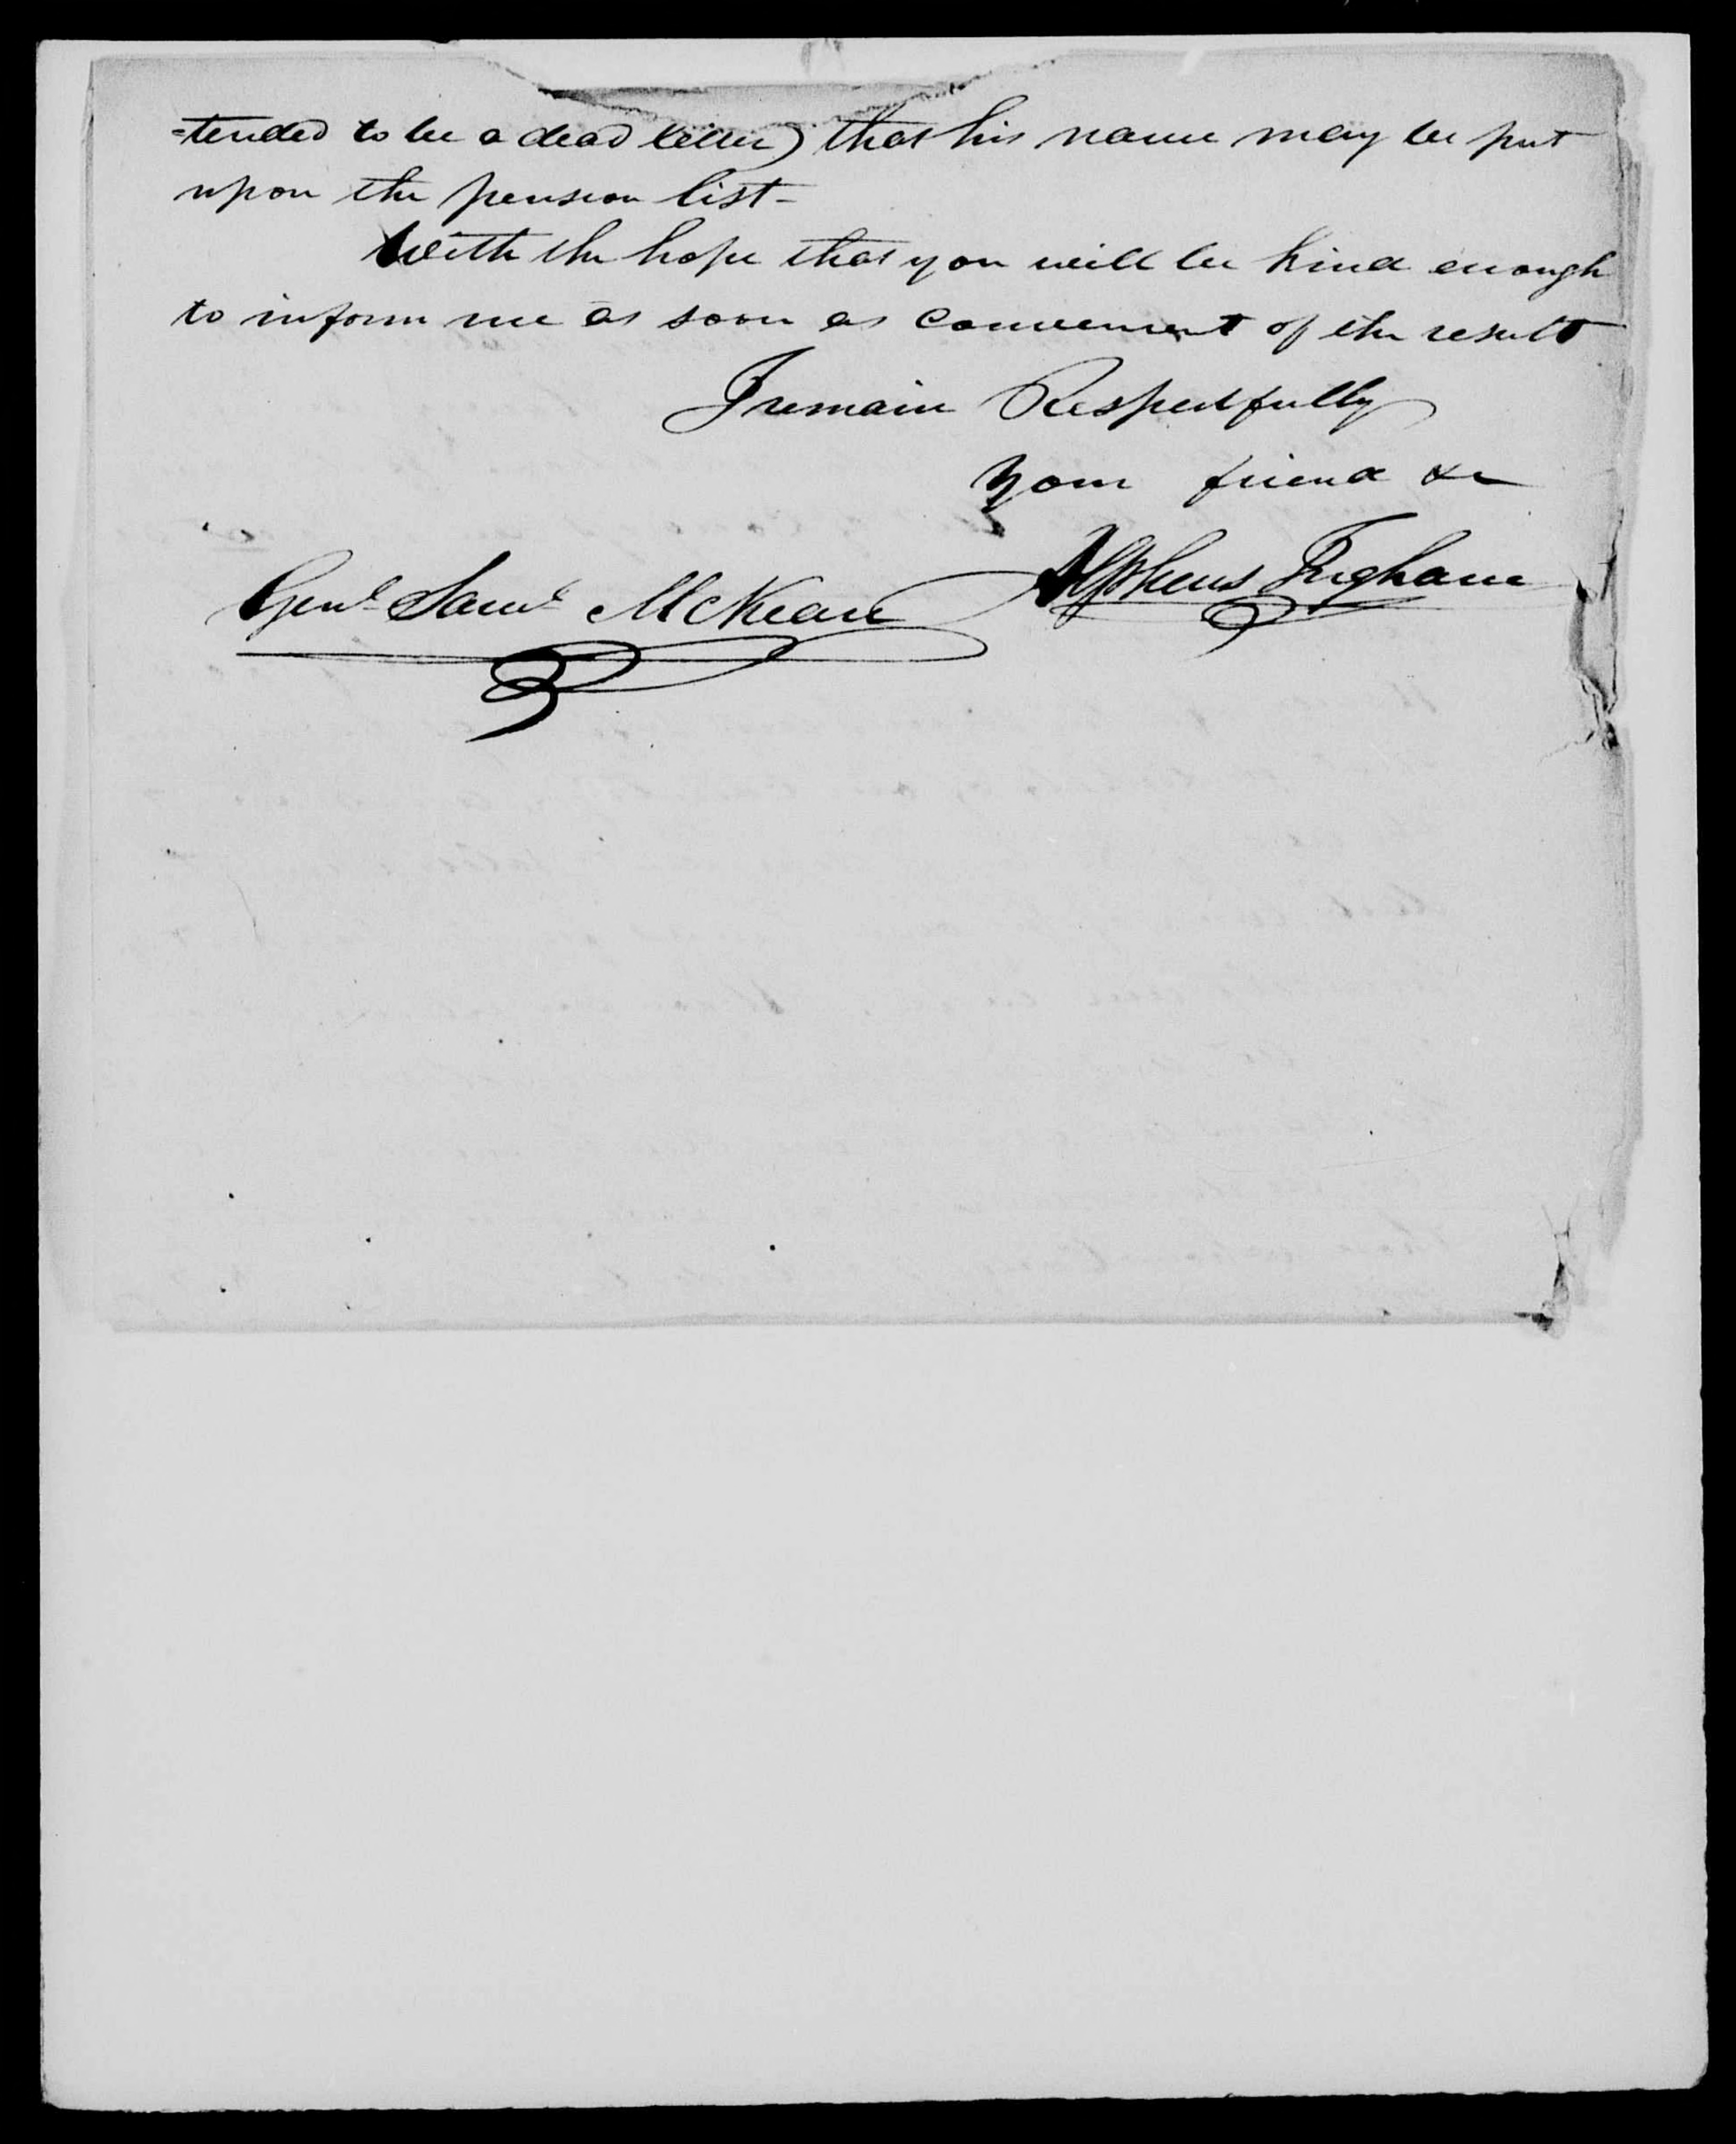-tended to be a dead letter) that his name may be put upon the pension list -
With the hope that you will be kind enough to inform me as soon as convenient of the result
I remain Respectfully
Your friend etc
Genl Saul (Saml?) McKean, Alpheus Ingham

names: Saml Mc Kean, Alpheus Ingham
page: 15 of 25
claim: rejected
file: R. 5190, Daniel Howey, New Jersey New York